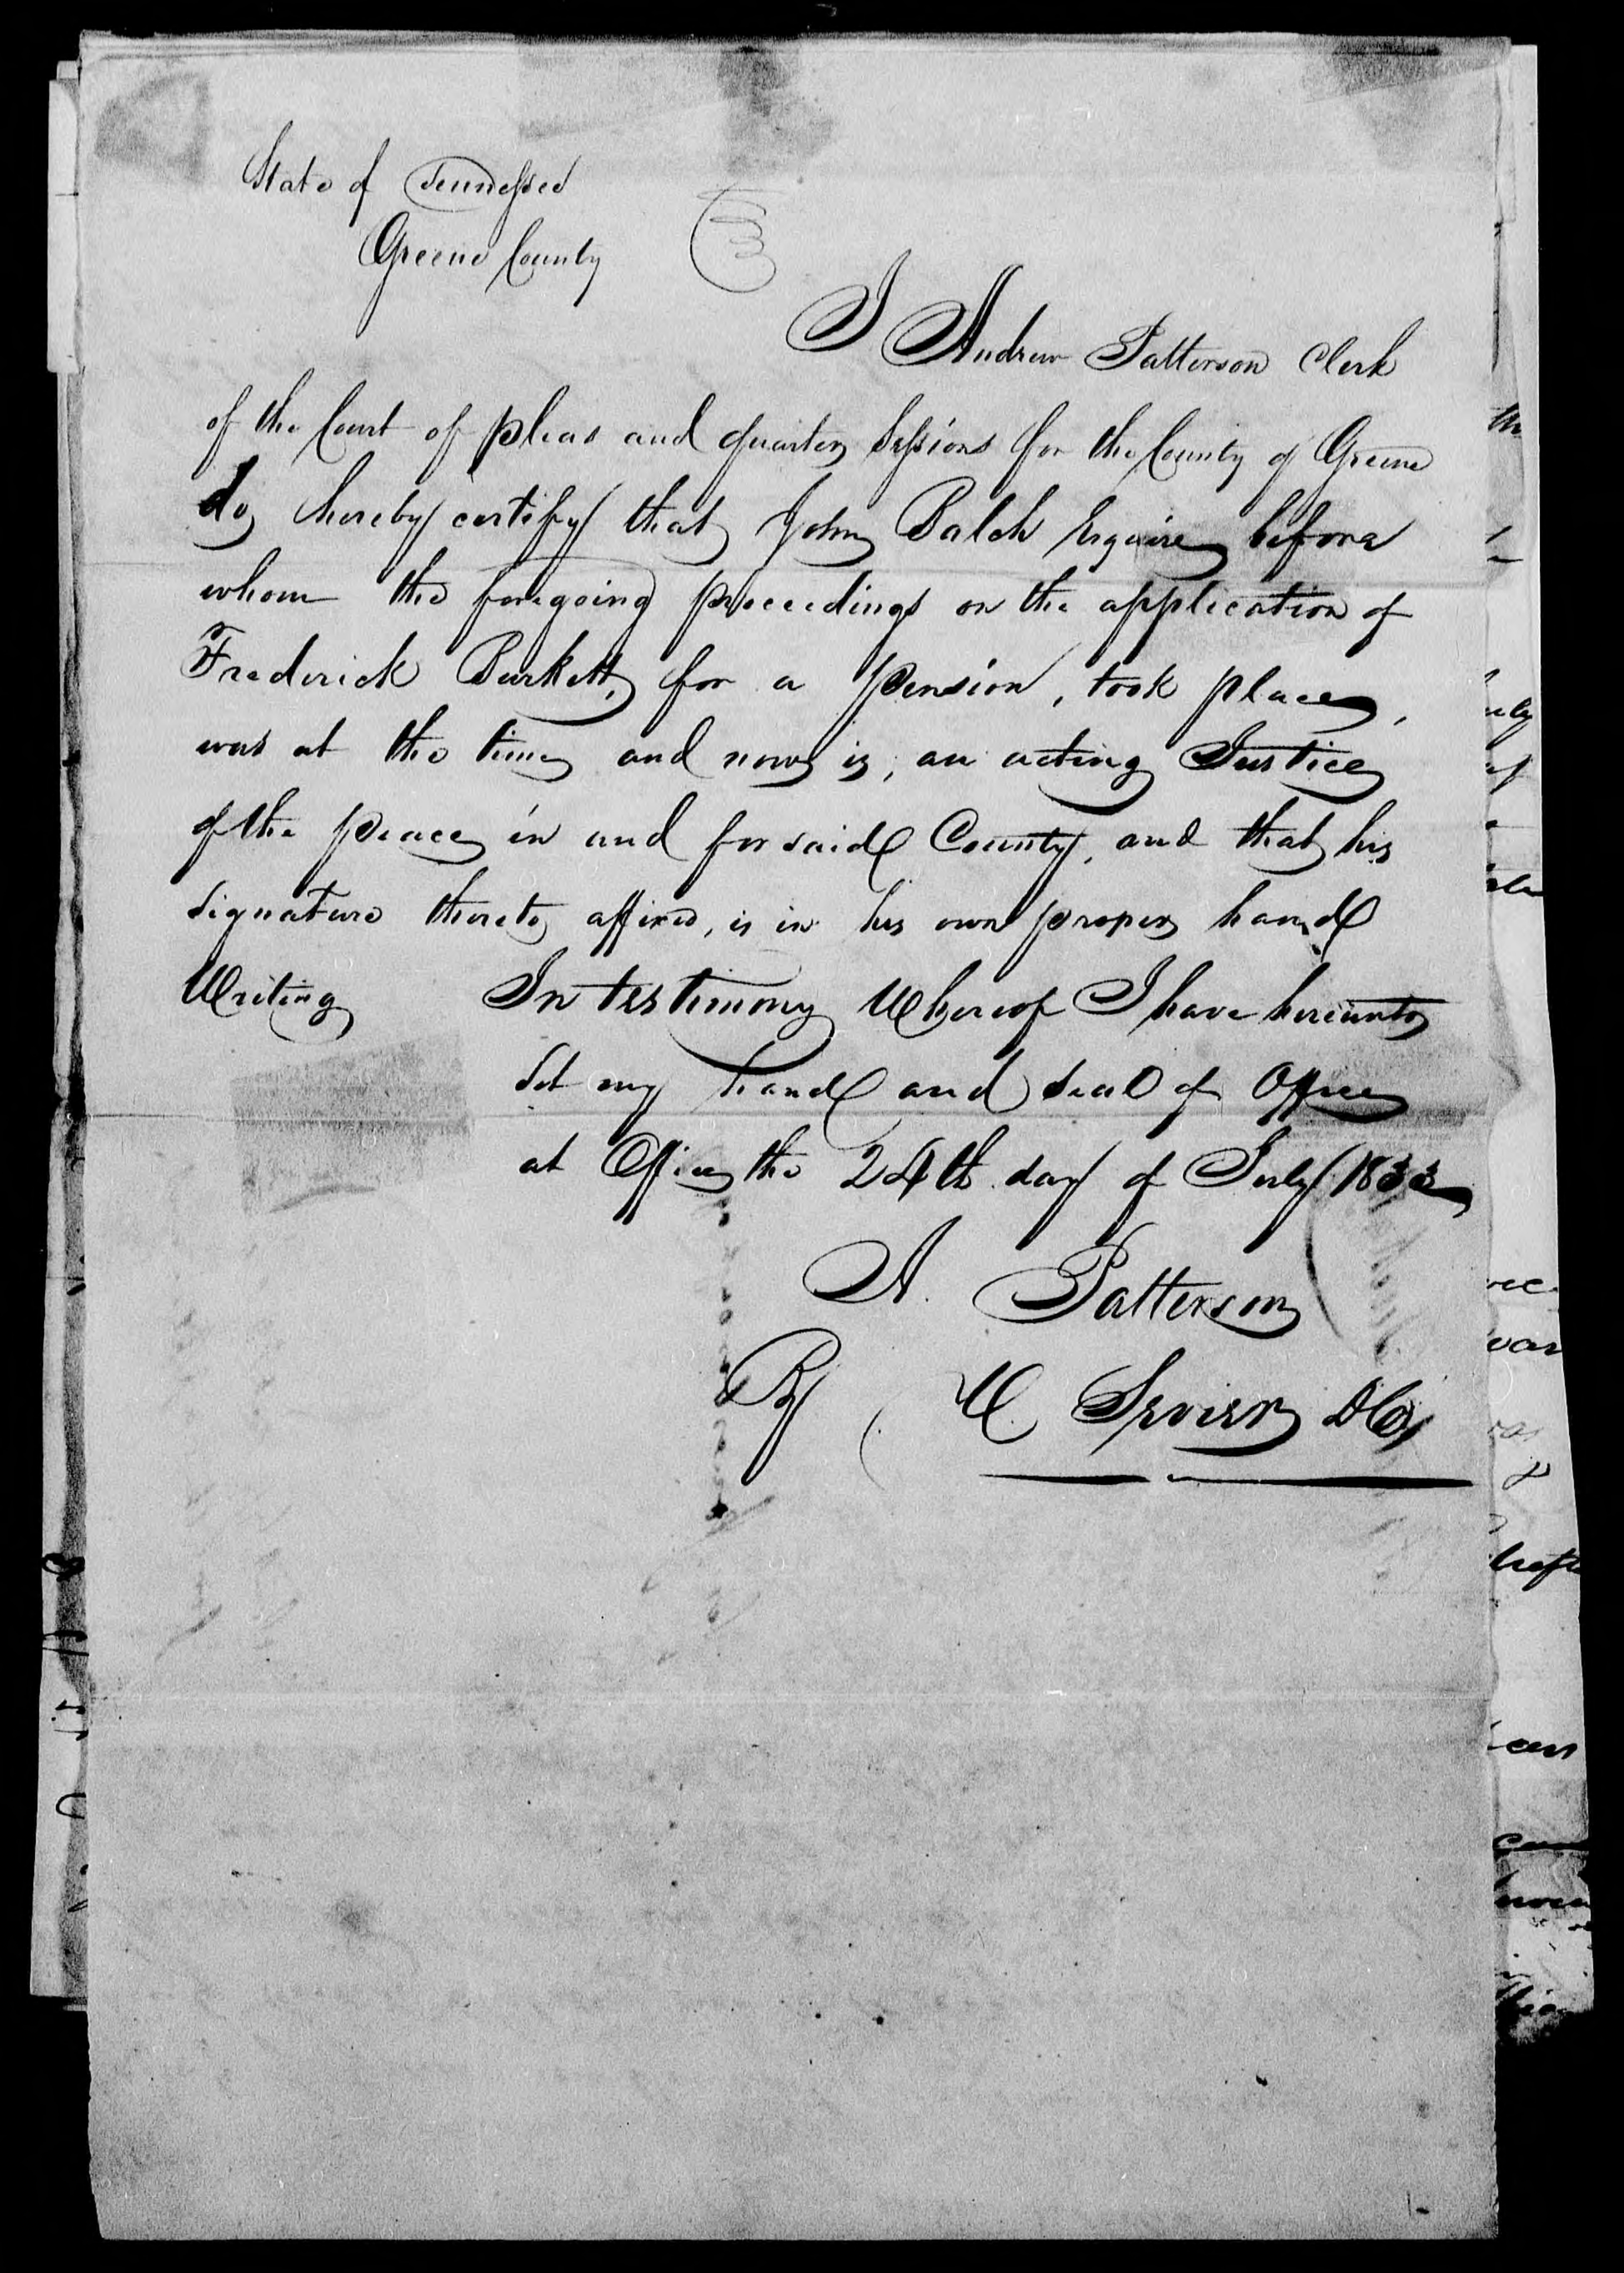State of Tennessee}
Greene County}
I Andrew Patterson clerk of the Court of pleas and quarter sessions for the County of Greene do, hereby certify that John Balch Esquire before whom the foregoing proceedings on the application of Frederick Burkett, for a pension, took place, was at the time and now is, an acting Justice of the peace in and for said County, and that his signature thereto, affixed, is in his own proper hand writing

In testimony whereof I have hereunto set my hand and seal of Office at Office the 24th day of July 1833

A. Patterson
By V Sevier DC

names: A Patterson, Andrew Patterson, V Sevier, Frederick Burkett, John Balch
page: 6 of 47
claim: survivor's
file: S. 3102, Frederick Burket, Va.